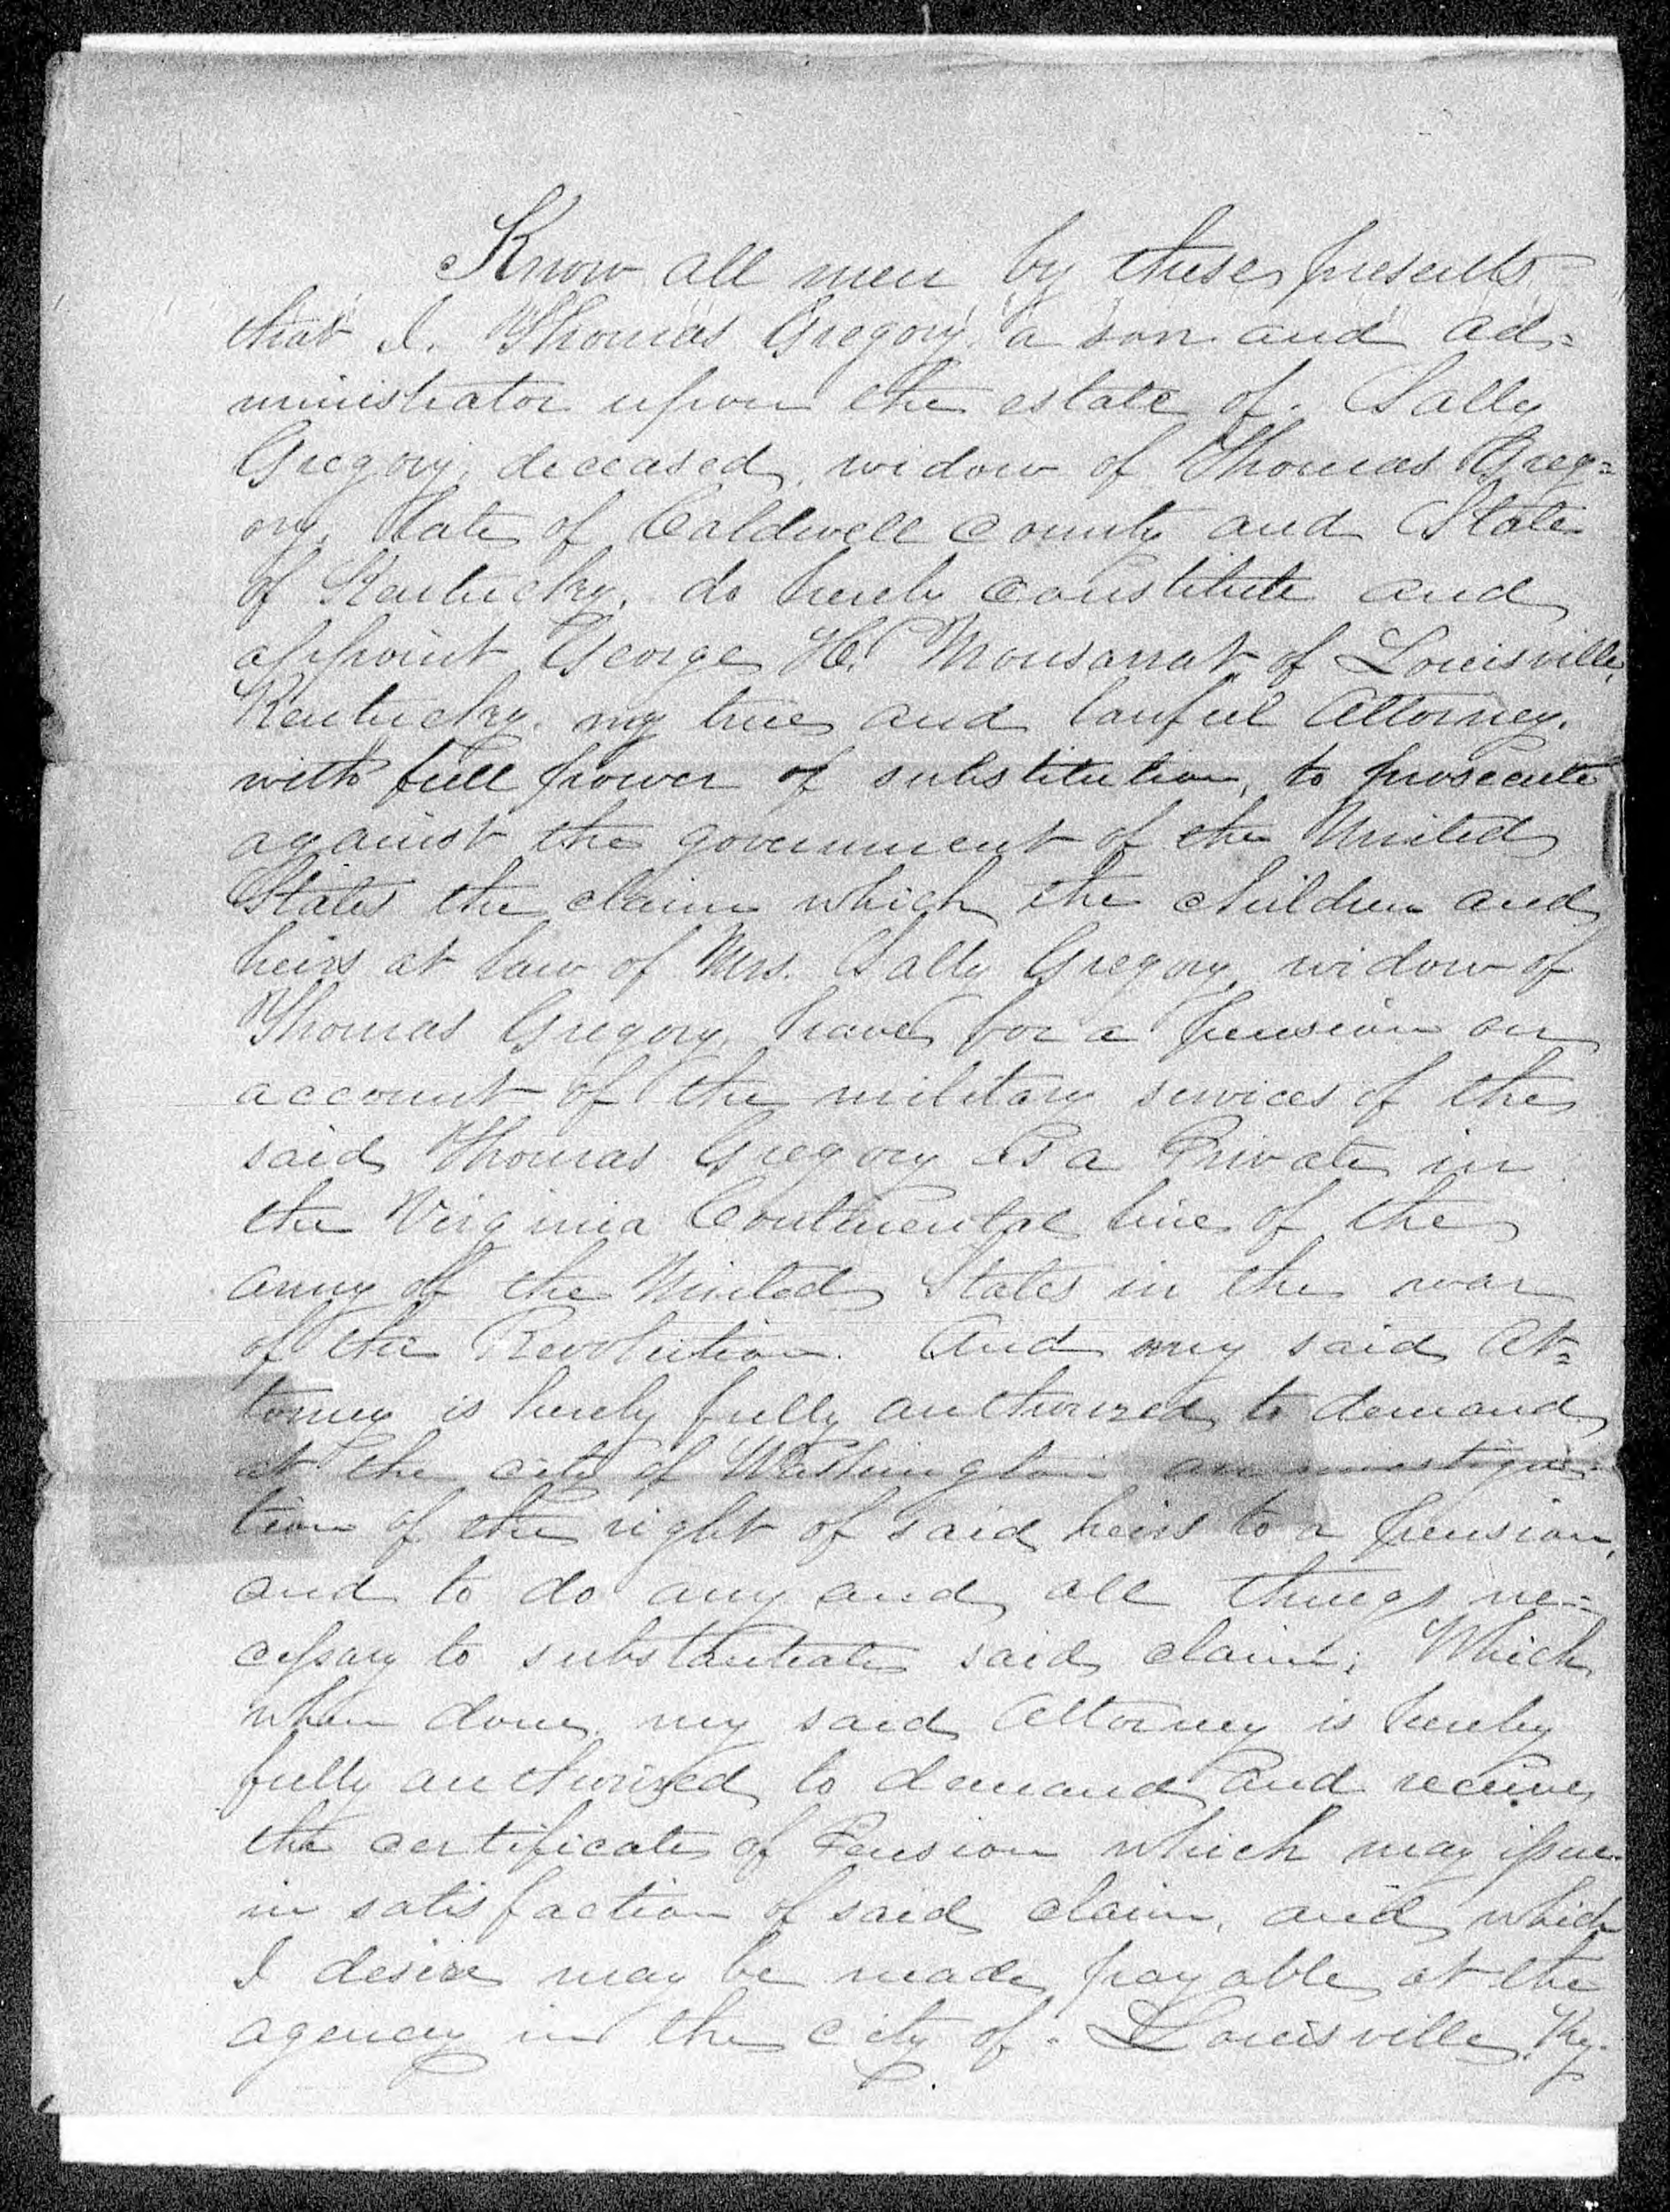Know all men by these presents that I, Thomas Gregory, a son and administrator upon the estate of Sally Gregory, deceased, widow of Thomas Gregory, late of Caldwell County and State of Kentucky, do hereby constitute and appoint George H. Mousanat of Louisville Kentucky, my true and lawful Attorney with full power of substitution, to prosecute against the government of the United States the claim which the children and heirs at law of Mrs. Sally Gregory widow of Thomas Gregory have for a pension on account of the military services of the said Thomas Gregory as a Private in the Virginia Continental line, of the Army of the United States in the war of the Revolution.  And my said Attorney is hereby fully authorized to demand, at the city of Washington , an investigation of the right of said heirs to a pension and to do any and all things necessary to substantiate said claim; Which when done my said Attorney is hereby fully authorized to demand and receive the certificate of Pension which was issued in satisfaction of said claim, and which I desire may be made payable at the agency in the city of Louisville Ky.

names: Thomas Gregory, George H Mousanat, Thomas Gregory, Thomas Gregory, Sally Gregory, Thomas Gregory, Sally Gregory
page: 48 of 75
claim: widow's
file: W. 8876, Thomas Gregory, Continental Va